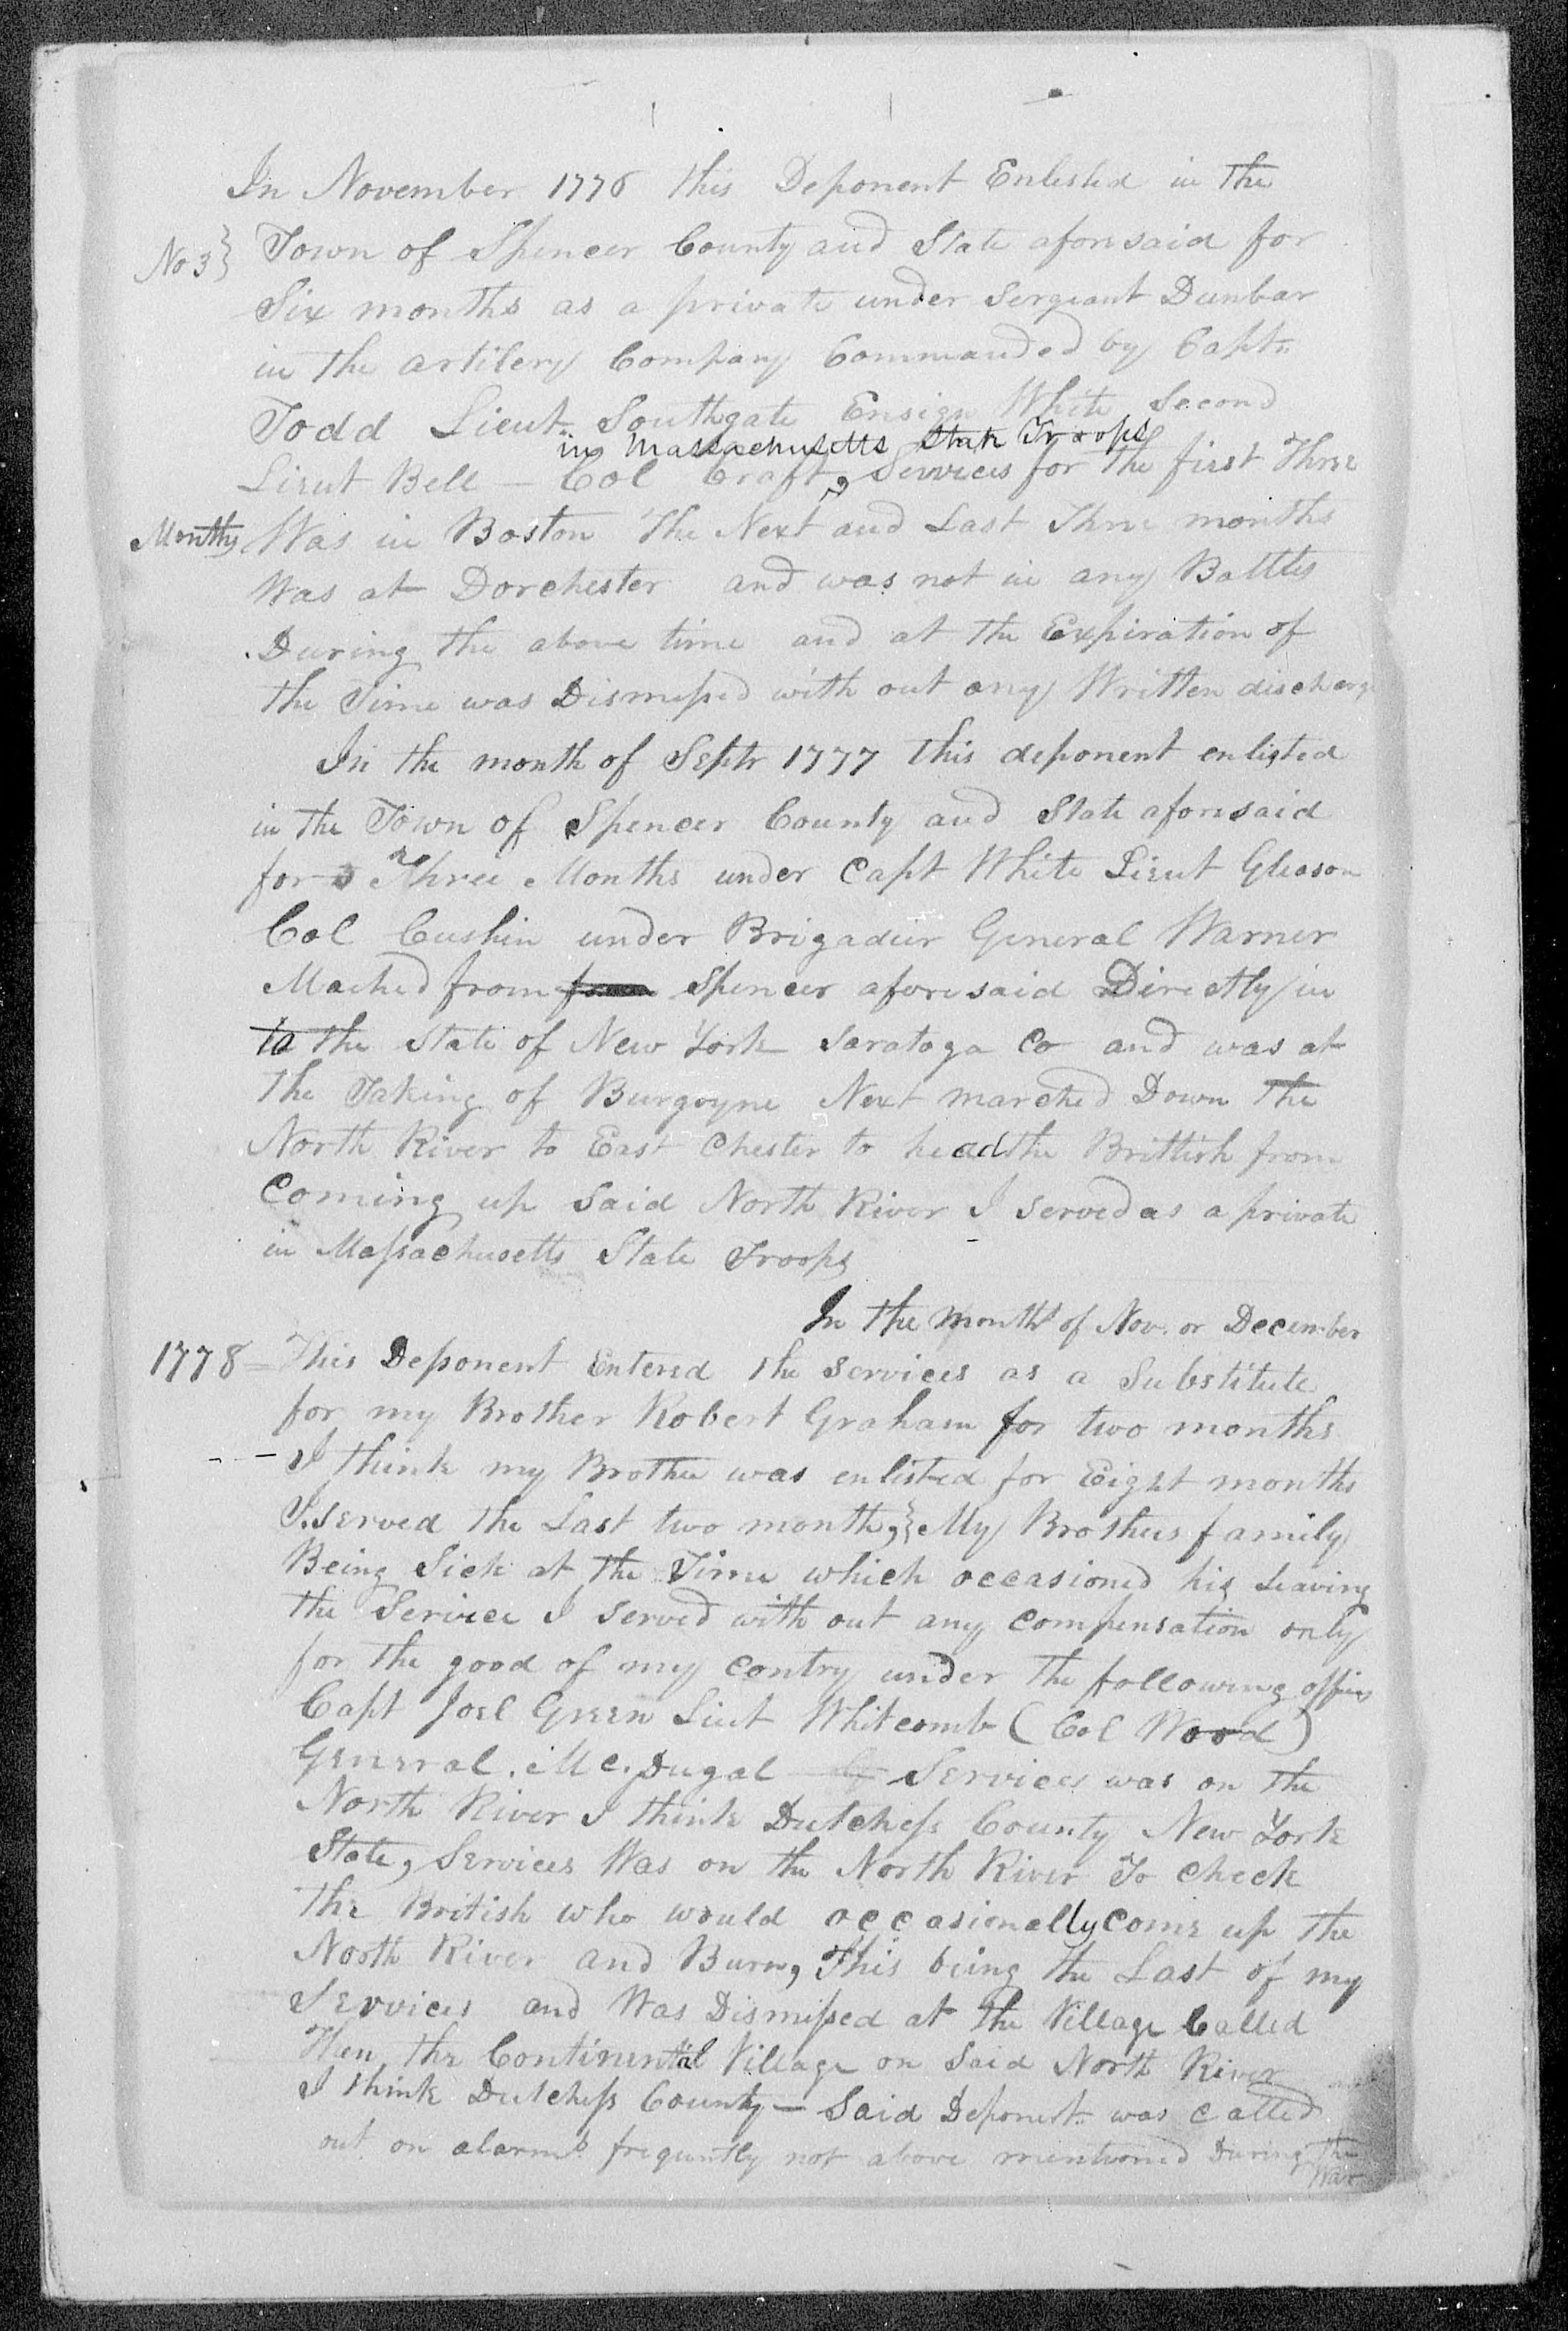In November 1776 this deponent enlisted in the

No 3 
Town of Spencer County and State aforesaid for Six months as a private under Sergeant Dunbar in the artilery company commanded by Capt Todd Lieut. Southgate Ensign White, Second Lieut Bell  Col Graft in Massachusetts State Troops Services for the first three months was in Boston The Next and last three months
was at Dorchester and was not in any Battles
during the above time and at the Expiration of
the time was Dismissed with out any written discharge

In the month of Septr 1777 this deponent enlisted in the Town of Spencer County and State aforesaid for Three Months under Capt White Lieut Gleason Col Cushin under Brigadier General Warner

Marched from Spencer aforesaid Directly in
in the State of New York Saratoga Co and was at the taking of Burgoyne   Next marched down the North River to East Chester to head the Brittish from coming up said North River I served as a private in Massachusetts State Troops

In the month of Nov or December
1778- This Deponent Entered the services as a substitute for my Brother Robert Graham for two months  I think my Brother was enlisted for Eight months   I served the last two month, My Brothers family being sick at the time which occasioned his leaving the service  I served with out any compensation only
for the good of my contry [country] under the following officers Capt Joel Green Lieut Whitcomb (Col Wood General McDugal   Services was on the North River to check the British who would occasionally come up the North River and burn, This being the last of my
Services and was dismissed at the Villagev called when the Continental Village on said North River I think Dutchess County - Said Deponent was called out on alarms frequently not above mentioned during the War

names: Joel Green, Todd, Wood, Cushin, Mc Dugal, Robert Graham, Bell, Warner, Whitcomb, Gleason, Dunbar, Southgate, Craft, White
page: 5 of 28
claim: survivor's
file: S. 22799, John Graham, Mass